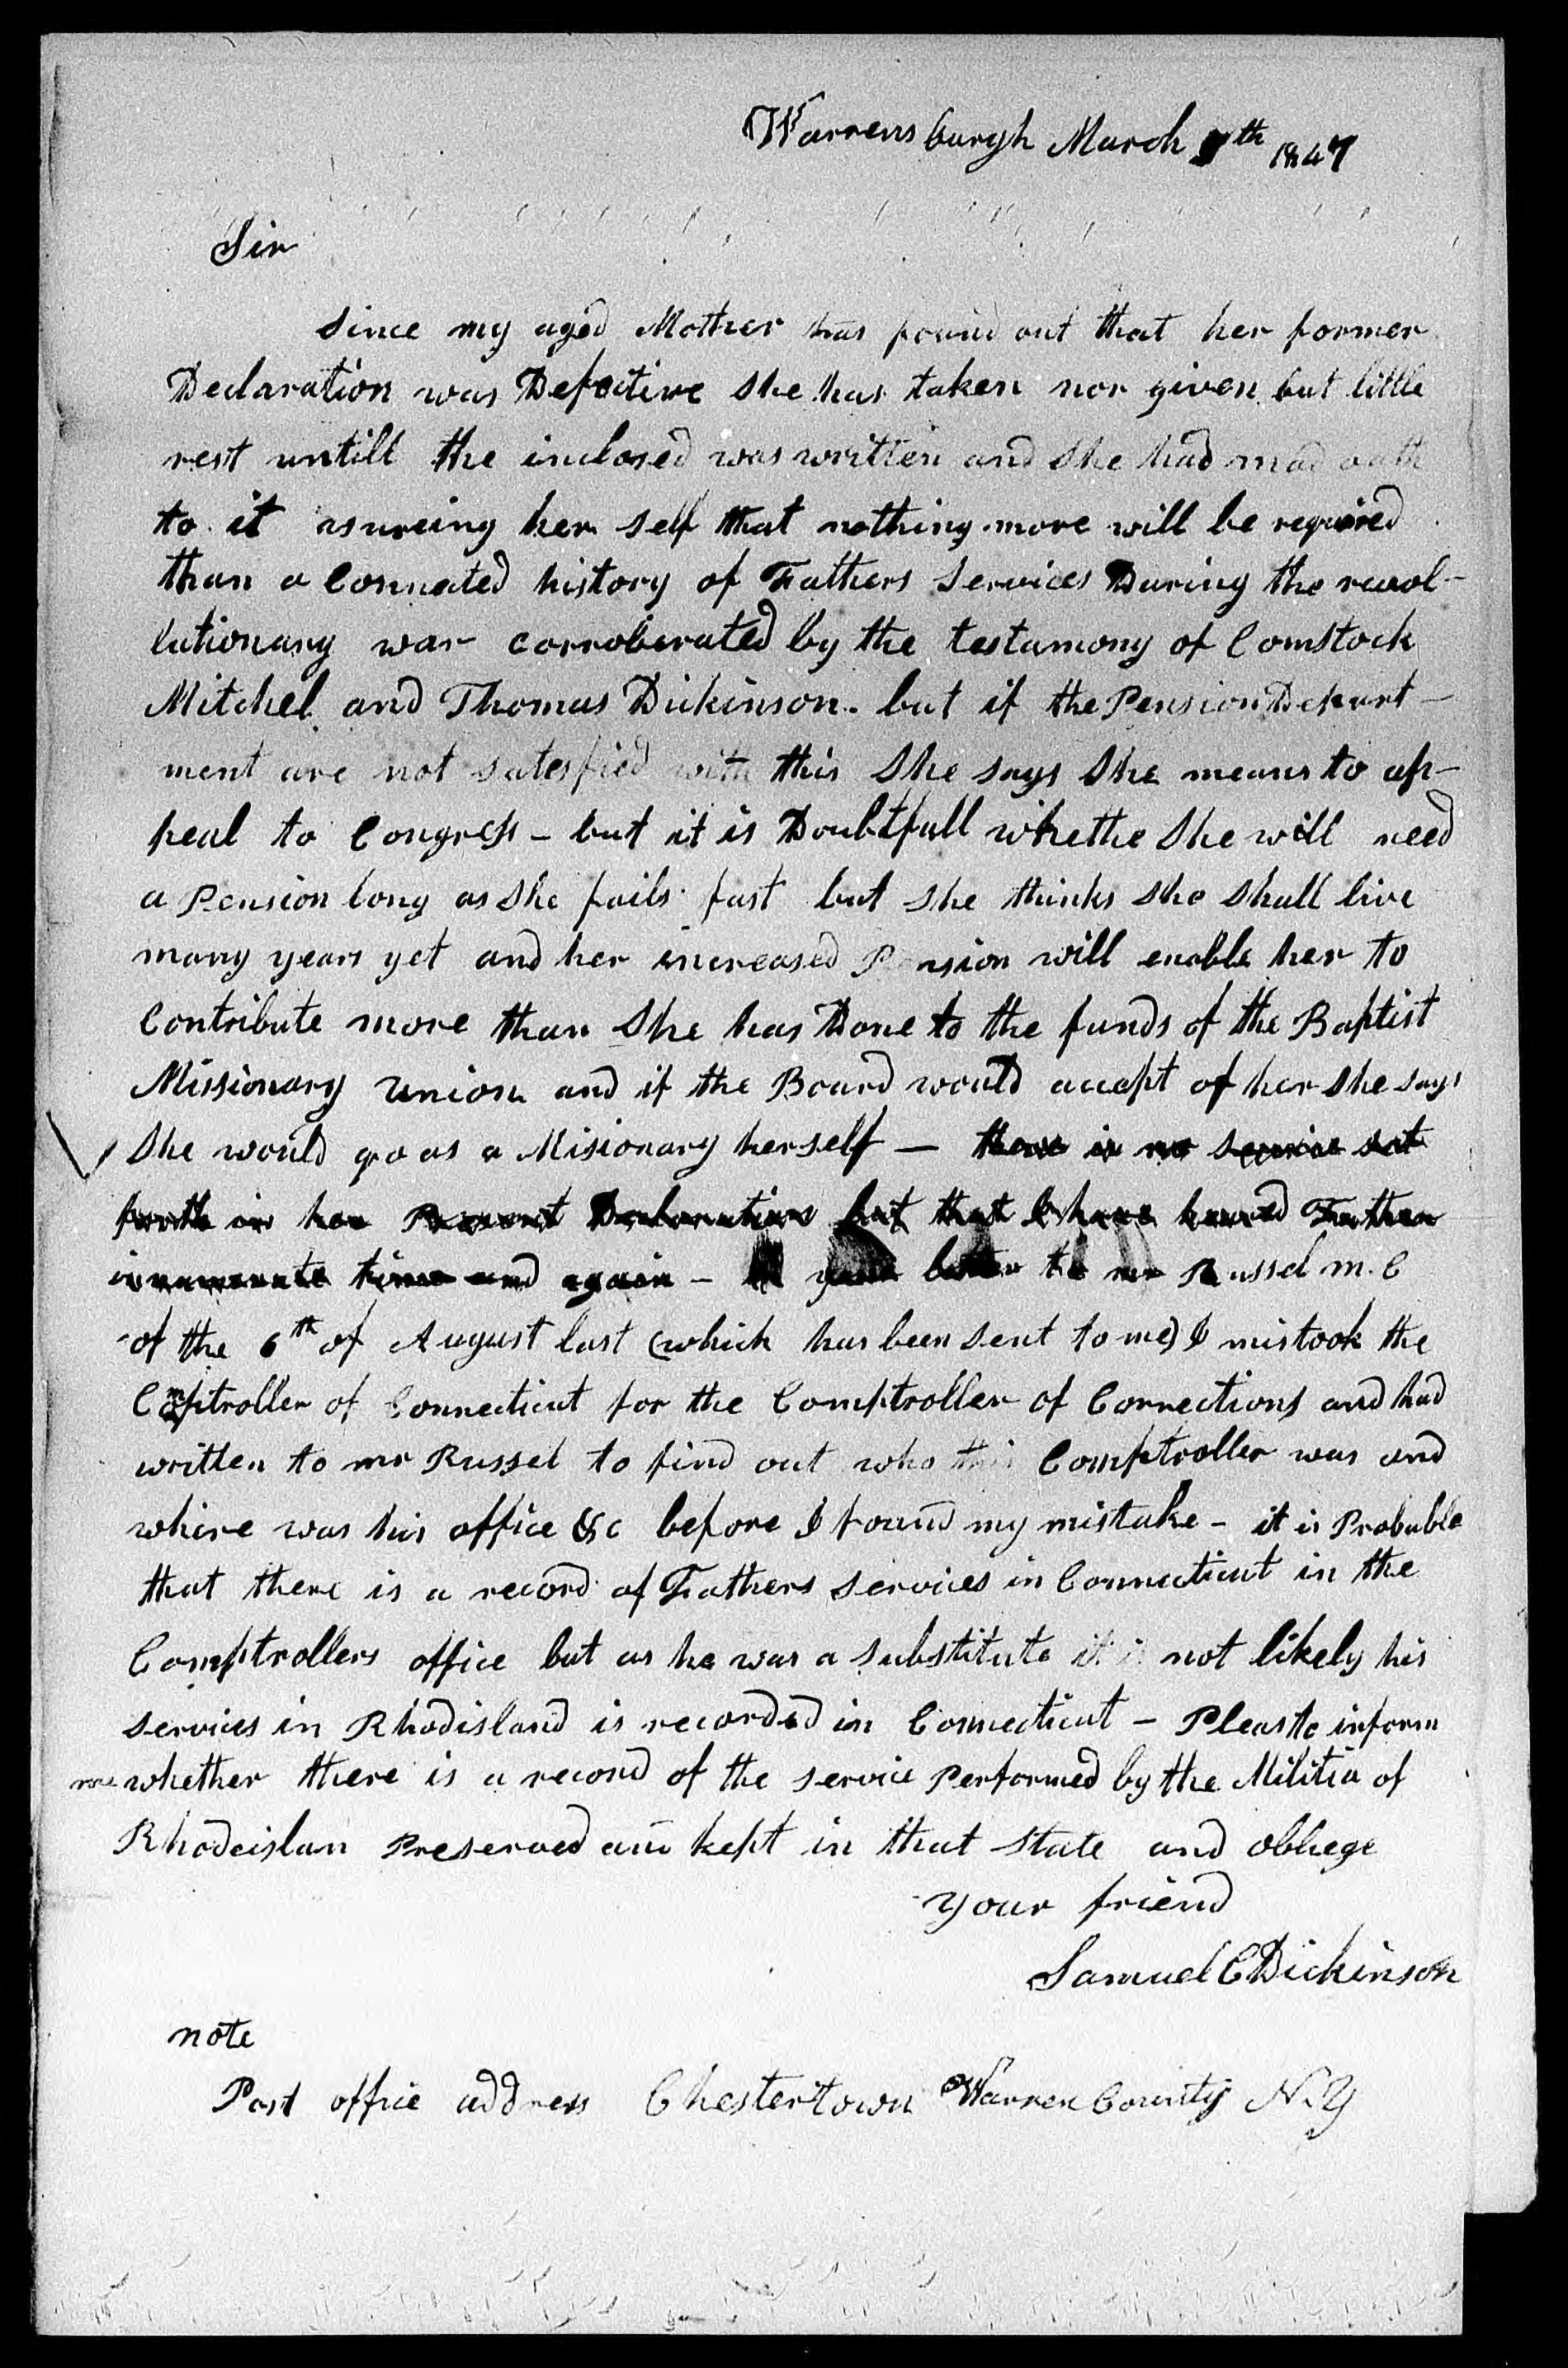Warrensburgh 
March 8th 1847

Sir,
Since my aged Mother has found out that her former
Declaration was Defective she has taken nor given but little
rest untill the inclosed was written and she had made oath
to it asureing her self that nothing more will be required
than a corrected history of Fathers services during the 
revolutionary war corroberated by the testamony of Comstock
Mitchel and Thomas Dickinson, but if the Pension Department are not satisfied with this she says she means to appeal to Congress - but it is doubtfull whethe she will need
a pension long as she fails fast but she thinks she shall live
many years yet and her increased pension will enable her to
contribute more than she has done to the funds of the Baptist
Missionary union and if the Board would accept of her she says
she would go as a Missionary herself - there is no service put forth in her present declarations but that I have heard Father innumerate time and again - in years before. The Mr. Russell M. C of the 6th of August last (which has been sent to me)  I mistook the
Comptroller of Connecticut for the Comptroller of Correchttps://catalog.archives.gov/images/misc/drag.pngtions and had
written to Mr Russel to find out who this Comptroller was and
where was his office &c before I found my mistake - it is Probable
that there is a record of Fathers services in Connecticut in the
Comptrollers office but as he was a substitute it is not likely his
services in Rhodisland [Rhode Island] is recorded in Connecticut - Please inform
me whether there is a record of the service performed by the Militia of
Rhodeislan [Rhode Island] Preserved and kept in that State and obliege

Your friend
Samuel C Dickinson

note
Post office address Chestertown Warren County NY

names: Samuel C Dickinson, Russel, Mitchel, Thomas Dickinson, Comstock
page: 44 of 60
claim: widow's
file: W 16,955, Samuel Dickinson, Conn.